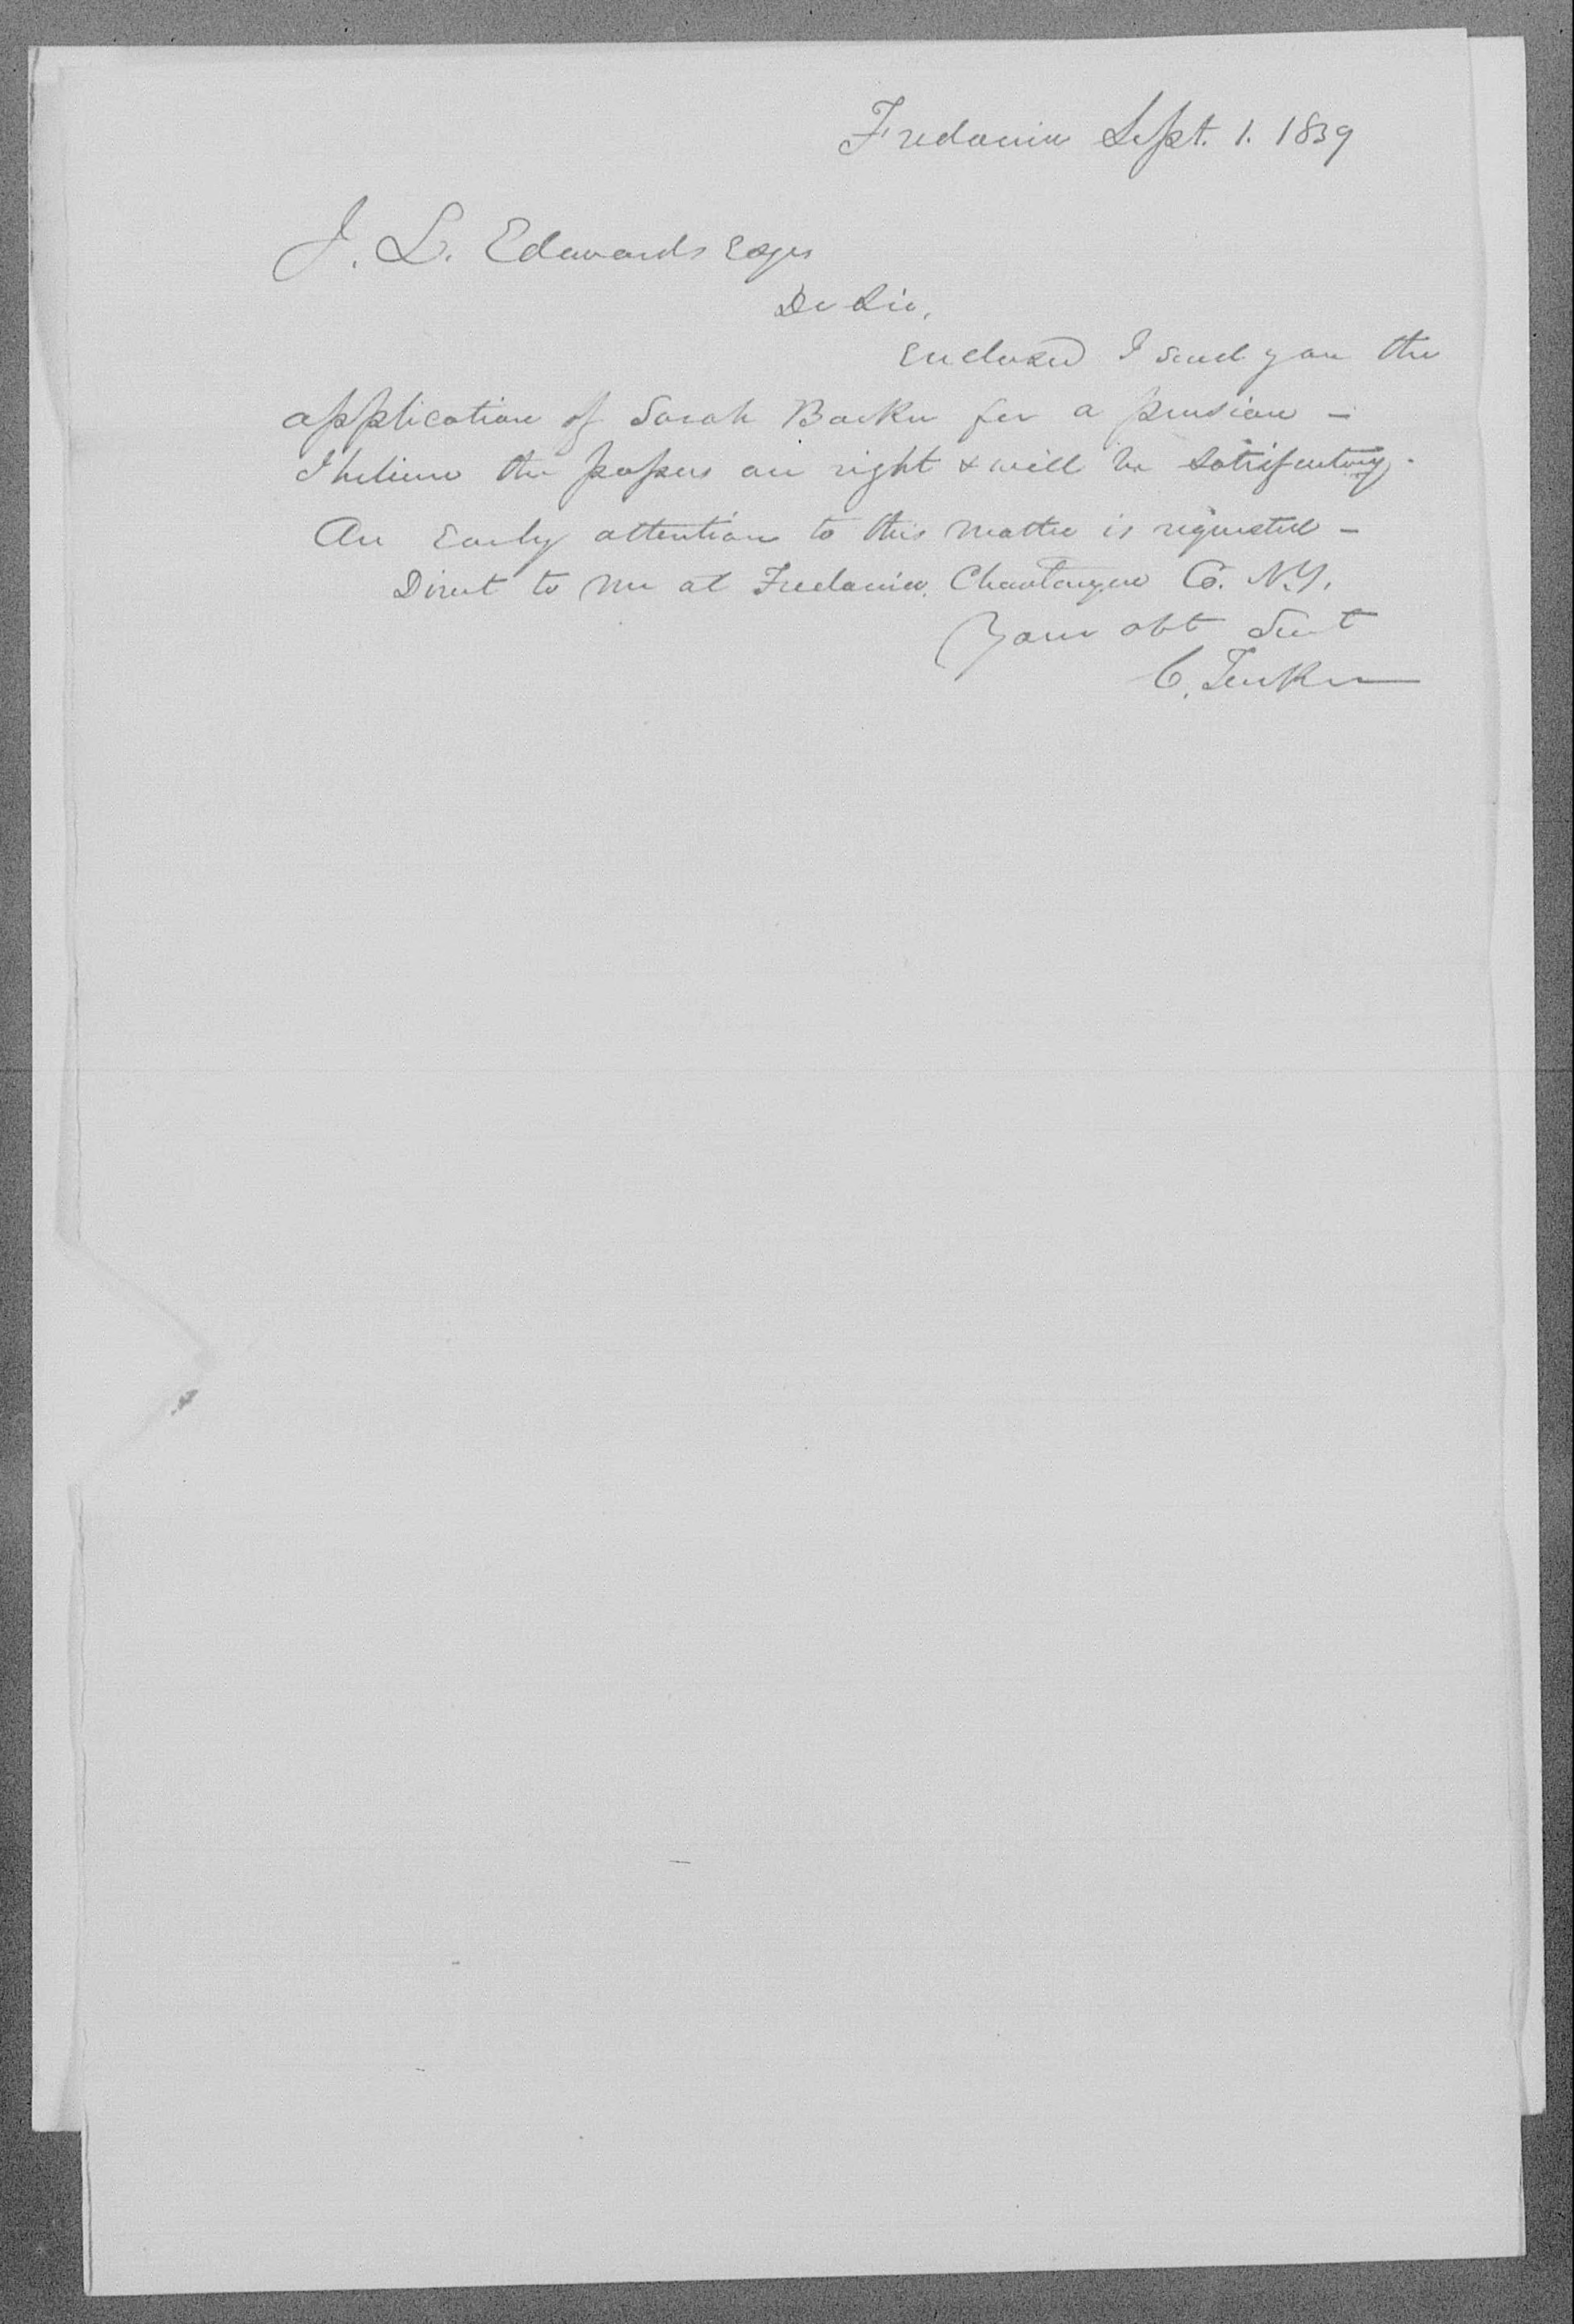Fredonia, Sept. 1, 1839
James L. Edwards, Esqr.
Dear Sir,
Enclosed I send you the application of Sarah Barker for a pension.  I believe the papers are right & will be satisfactory.  An early attention to this matter is requested. Direct to me at Fredonia, Chautauqua Co. N. Y.
Your obt. Sevt.
C. Tucker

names: C Tucker, J L Edwards, Sarah Barker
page: 24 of 52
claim: widow's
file: W. 18,565, Hezekiah Barker, Continental R.I.